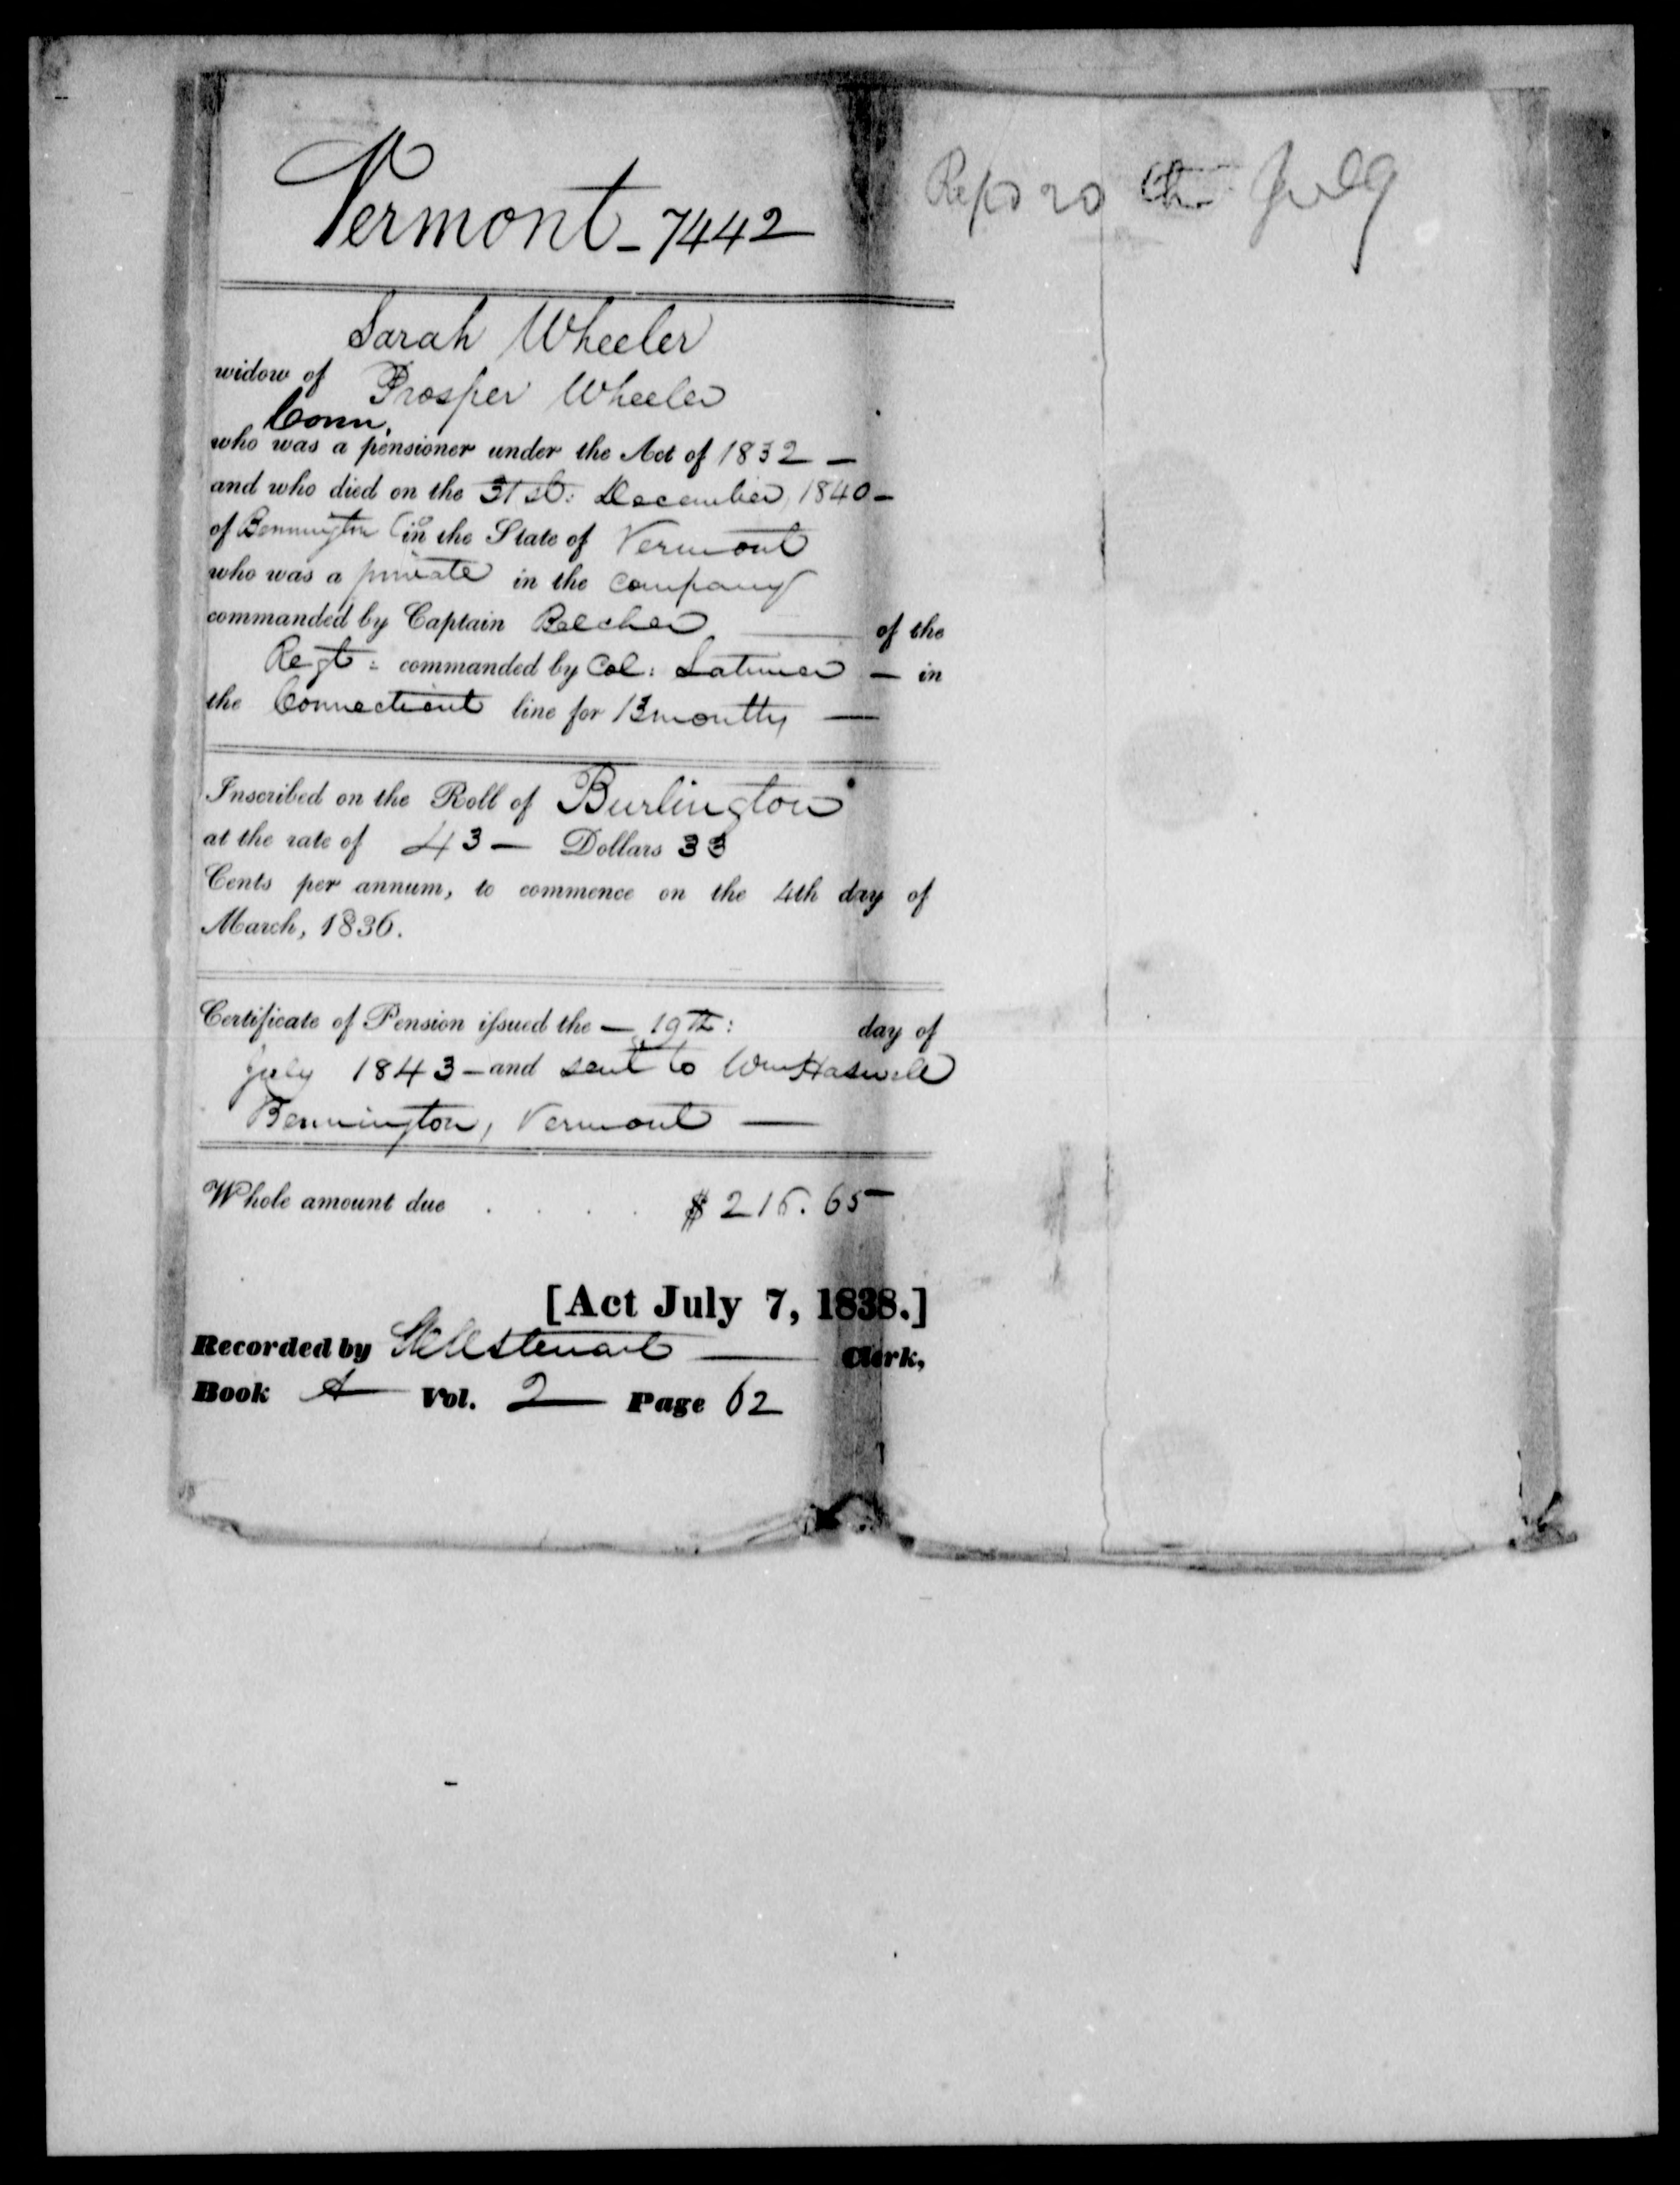Vermont - 7442
====================
Sarah Wheeler
widow ofProsper Wheeler
Conn.
who was a pensioner under the Act of 1832-
and who died on the 31st December 1840 --
of Bennington in the State of Vermont
who was a private in the Company
commanded by Captain Belcher of the
Regt. commanded by Col. Latimer in
the Connecticut line for 13 months
====================
Inscribed on the Roll of Burlington
at the rate of 43.= Dollars 33
Cents per annum, to commence on the 4th day of
March, 1836.
====================
Certificate of Pension issued the 19th
July 1843 and sent to a Wm Haswell
Bennington, Vermont-
====================
Whole amount due $216.65

[Act July 7 1838. ],
Recorded by Will Stewart Clerk,
Book A Vol. 2 Page 62

[right page]
Repd on the Jul 9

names: Sarah Wheeler, W M Stewart, Latimer, Prosper Wheeler, Wm Haswell, Belcher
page: 14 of 29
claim: widow's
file: W. 22604, Prosper Wheeler, Conn.